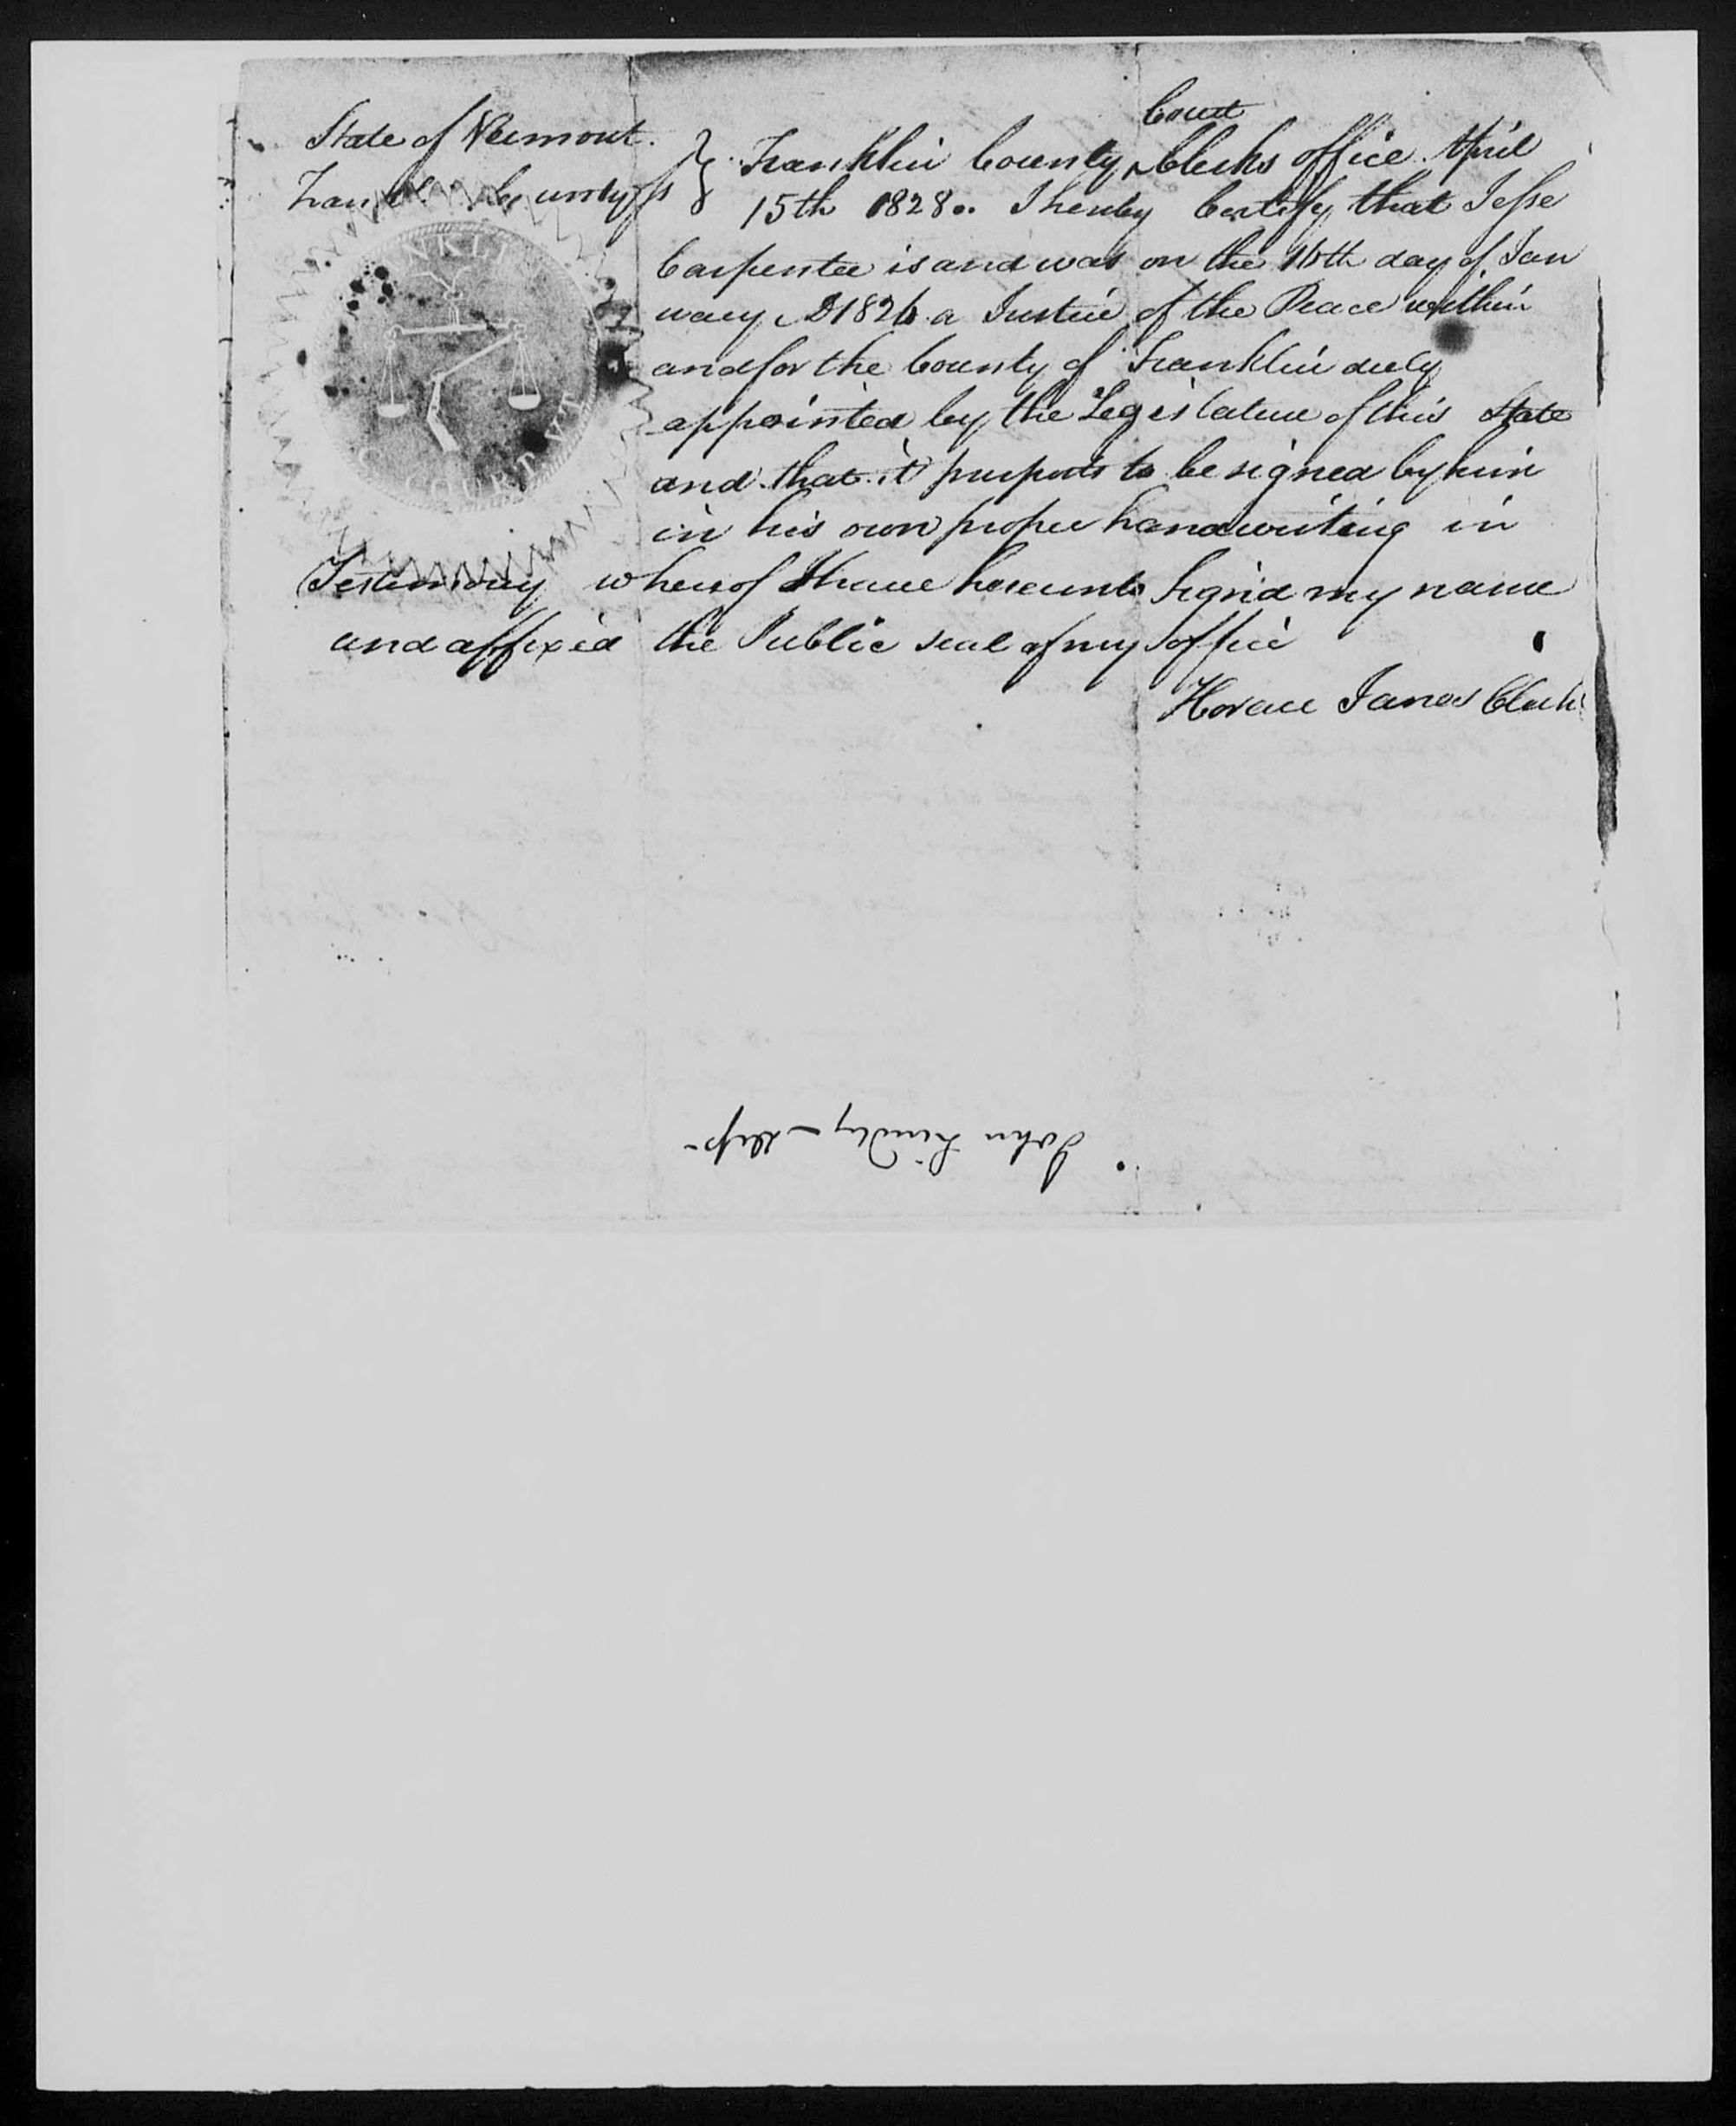State of Vermont } Franklin County Court
Franklin County ss } Clerks office April 15th 1828. I hereby certify that Jesse Carpenter is and was on the 11th day of January AD1826 a Justice of the Peace within and for the County of Franklin duly appointed by the Legislature of this State and that it purports to be signed by him in his own proper handwriting in testimony whereof I have hereunto signed my name and affixed the Public seal of my office
Horace Janes Clerk 

John Lindley - Dep -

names: Jesse Carpenter, Horace Janes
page: 80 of 100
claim: survivor's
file: S 19186, James Austin, Conn. New York R.I.